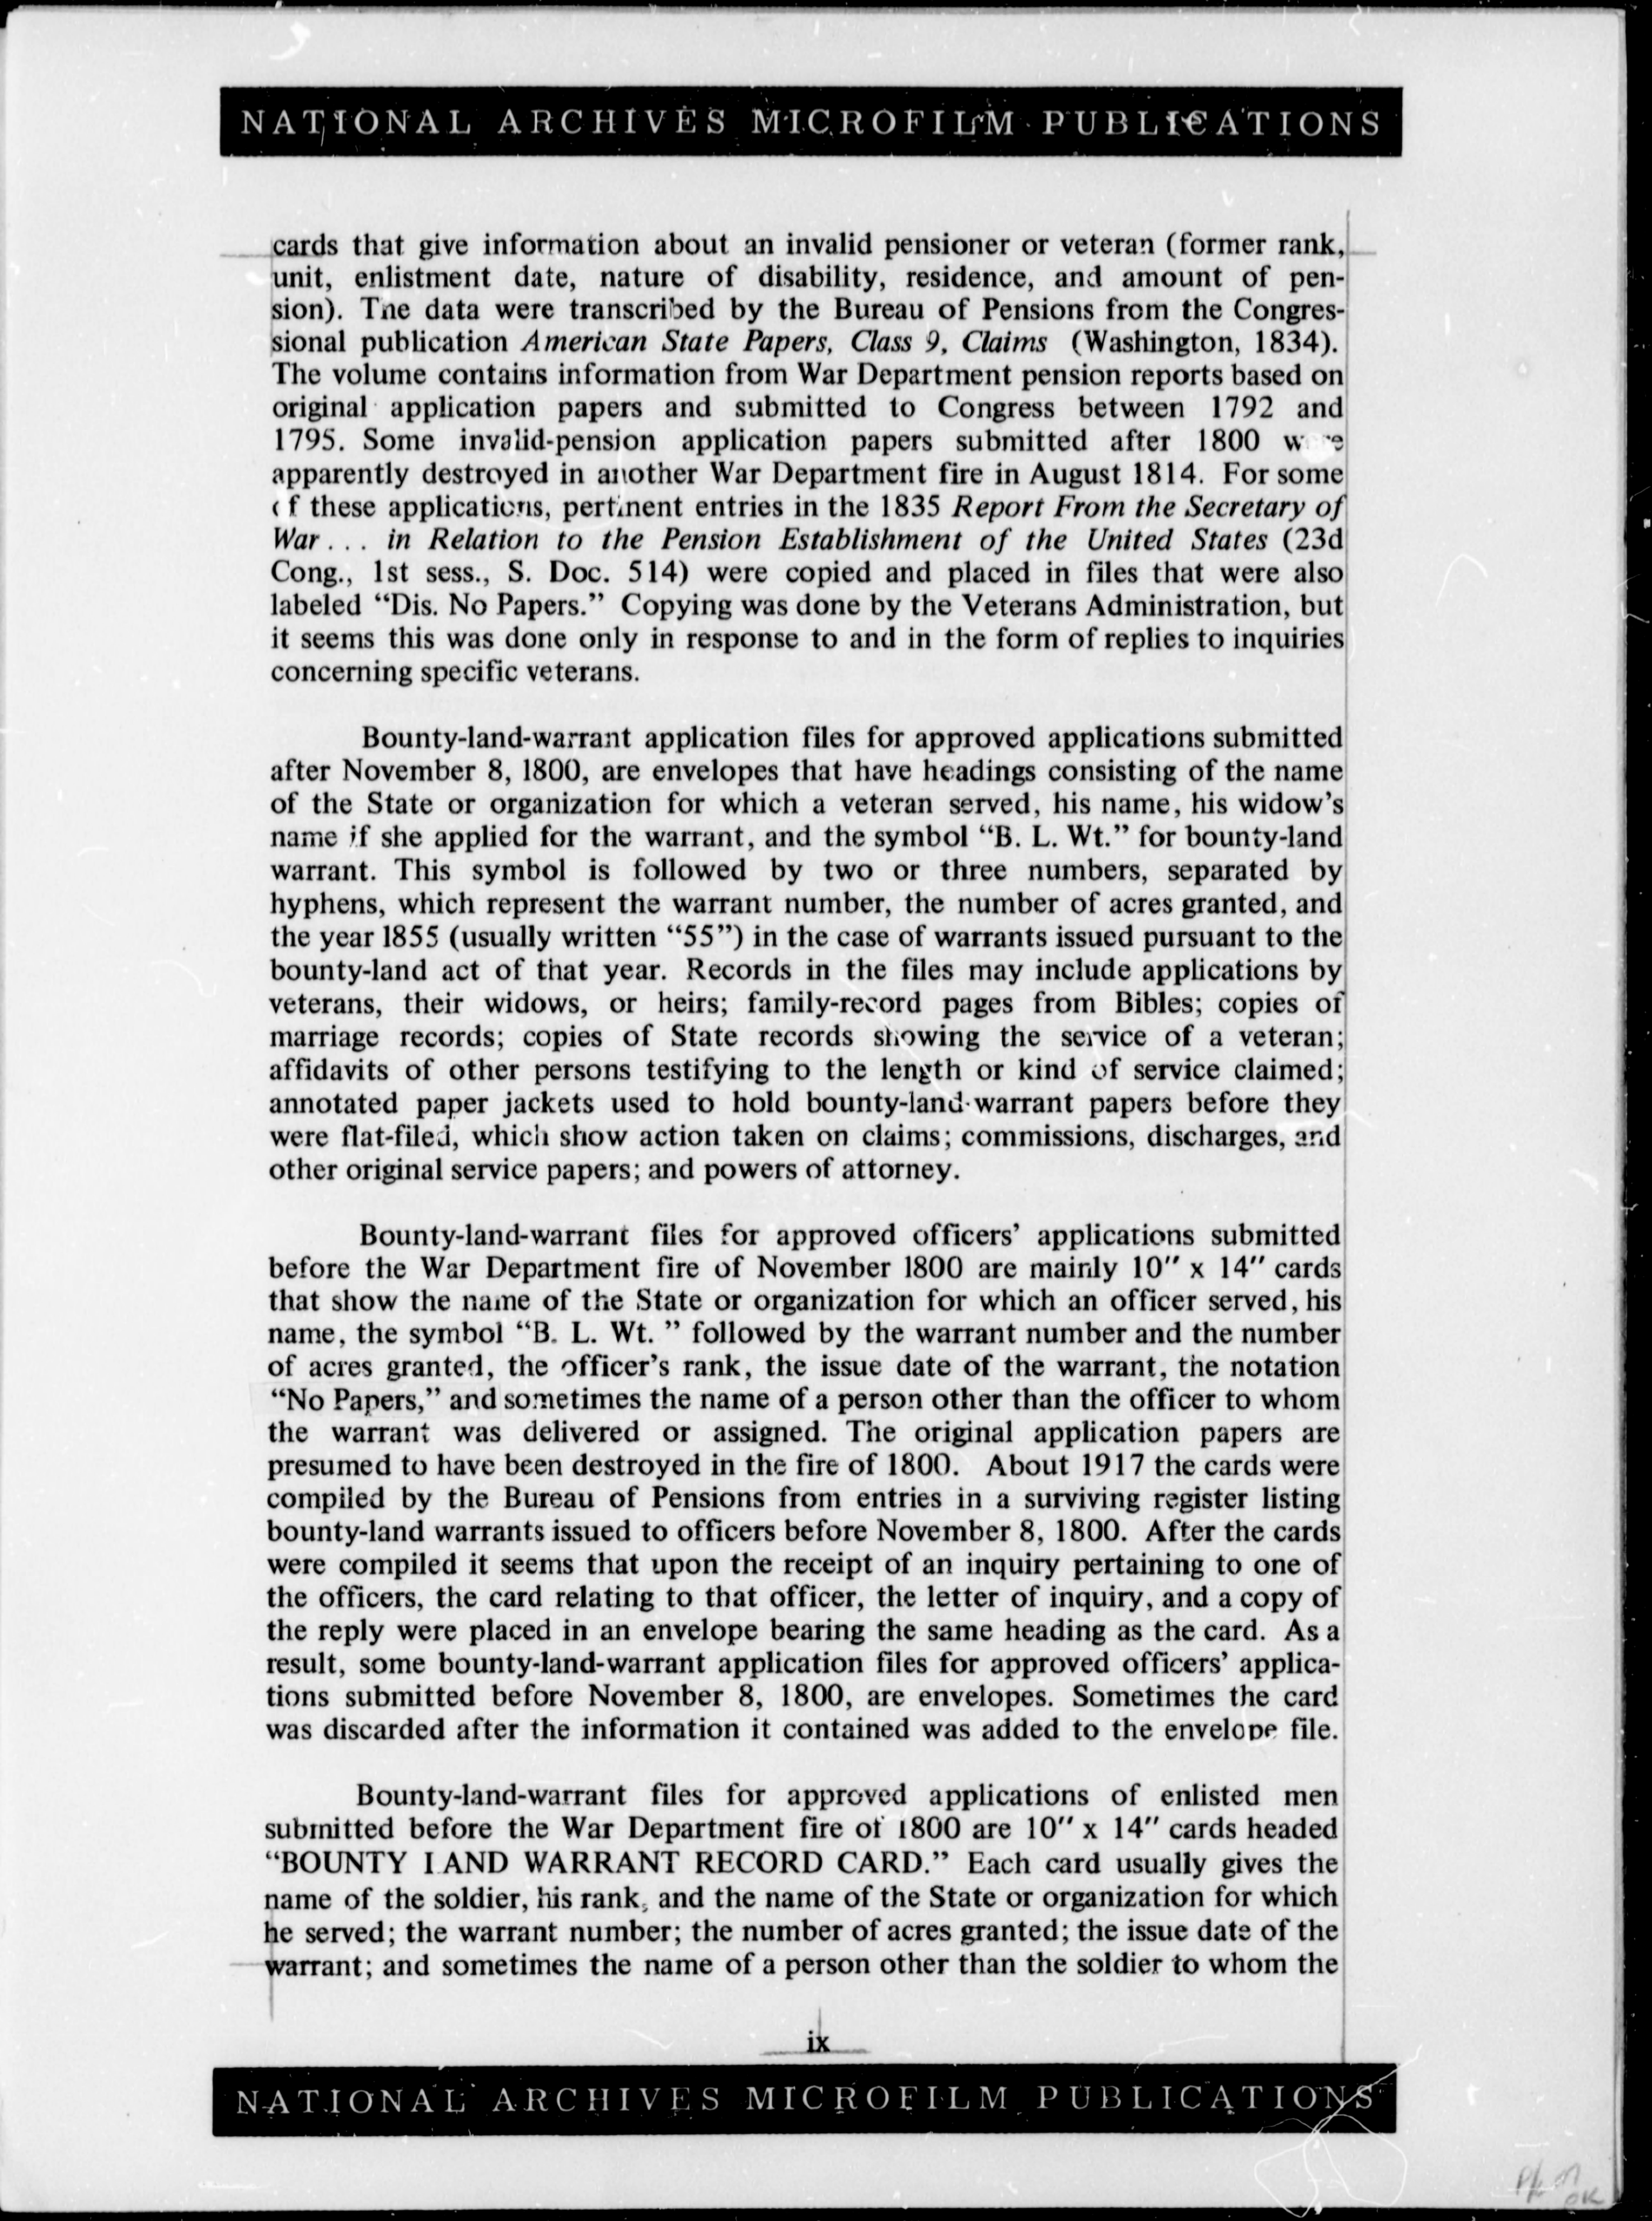NATIONAL ARCHIVES MICROFILM PUBLICATIONS

cards that give information about an invalid pensioner or veteran (former rank, unit, enlistment date, nature of disability, residence, and amount of pension). The data were transcribed by the Bureau of Pensions from the Congressional publication American State Papers, Class 9, Claims (Washington, 1834).  The volume contains information from War Department pension reports based on original application papers and submitted to Congress between 1792 and 1795. Some invalid-pension application papers submitted after 1800 were apparently destroyed in another War Department fire in August 1814. For some of these applications, pertinent entries in the 1835 Report From the Secretary of War...in Relation to the Pension Establishment of the United States (23d Cong., 1st sess., S. Doc. 514) were copied and placed in files that were also labeled "Dis. No Papers." Copying was done by the Veterans Administration, but it seems this was done only in response to and in the form of replies to inquiries concerning specific veterans.

Bounty-land-warrant application files for approved applications submitted after November 8, 1800, are envelopes that have headings consisting of the name of the State or organization for which a veteran served, his name, his widow's name if she applied for the warrant, and the symbol "B. L. Wt." for bounty-land warrant. This symbol is followed by two or three numbers, separated by hyphens, which represent the warrant number, the number of acres granted, and the year 1855 (usually written "55") in the case of warrants issued pursuant to the bounty-land act of that year. Records in the files may include applications by veterans, their widows, or heirs; family-record pages from Bibles; copies of marriage records; copies of State records showing the service of a veteran; affidavits of other persons testifying to the length or kind of service claimed; annotated paper jackets used to hold bounty-land-warrant papers before they were flat-filed, which show action taken on claims; commissions, discharges, and other original service papers; and powers of attorney.

Bounty-land-warrant files for approved officers' applications submitted before the War Department fire of November 1800 were mainly 10" x 14" cards that show the name of the State or organization for which an officer served, his name, the symbol ". L. Wt." followed by the warrant number and the number of acres granted, the officer's rank, the issue date of the warrant, the notation "No Papers," and sometimes the name of a person other than the officer to whom the warrant was delivered or assigned. The original application papers were presumed to have been destroyed in the fire of 1800. About 1917 the cards were compiled by the Bureau of Pensions from entries in a surviving register listing bounty-land warrants issued to officers before November 8, 1800. After the cards were compiled it seems that upon the receipt of an inquiry pertaining to one of the officers, the card relating to that officer,  the letter of inquiry, and a copy of the reply were placed in an envelope bearing the same heading as the card. as a result, some bounty-land-warrant application files for approved officers' applications submitted before November 8, 1800, are envelopes. Sometimes the card was discarded after the information it contained was added to the envelope file.

Bounty-land-warrant files for approved applications of enlisted men submitted before the War Department fire of 1800 are 10" x 14" cards headed "BOUNTY LAND WARRANT RECORD CARD." Each card usually gives the name of the soldier, his rank, and the name of the State or organization for which he served; the warrant number; the number of acres granted; the issue date of the warrant; and sometimes the name of a person other than the soldier to whom the 

NATIONAL ARCHIVES MICROFILM PUBLICATIONS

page: 9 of 61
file: Revolutionary War Pension and Bounty Land Warrant Application File